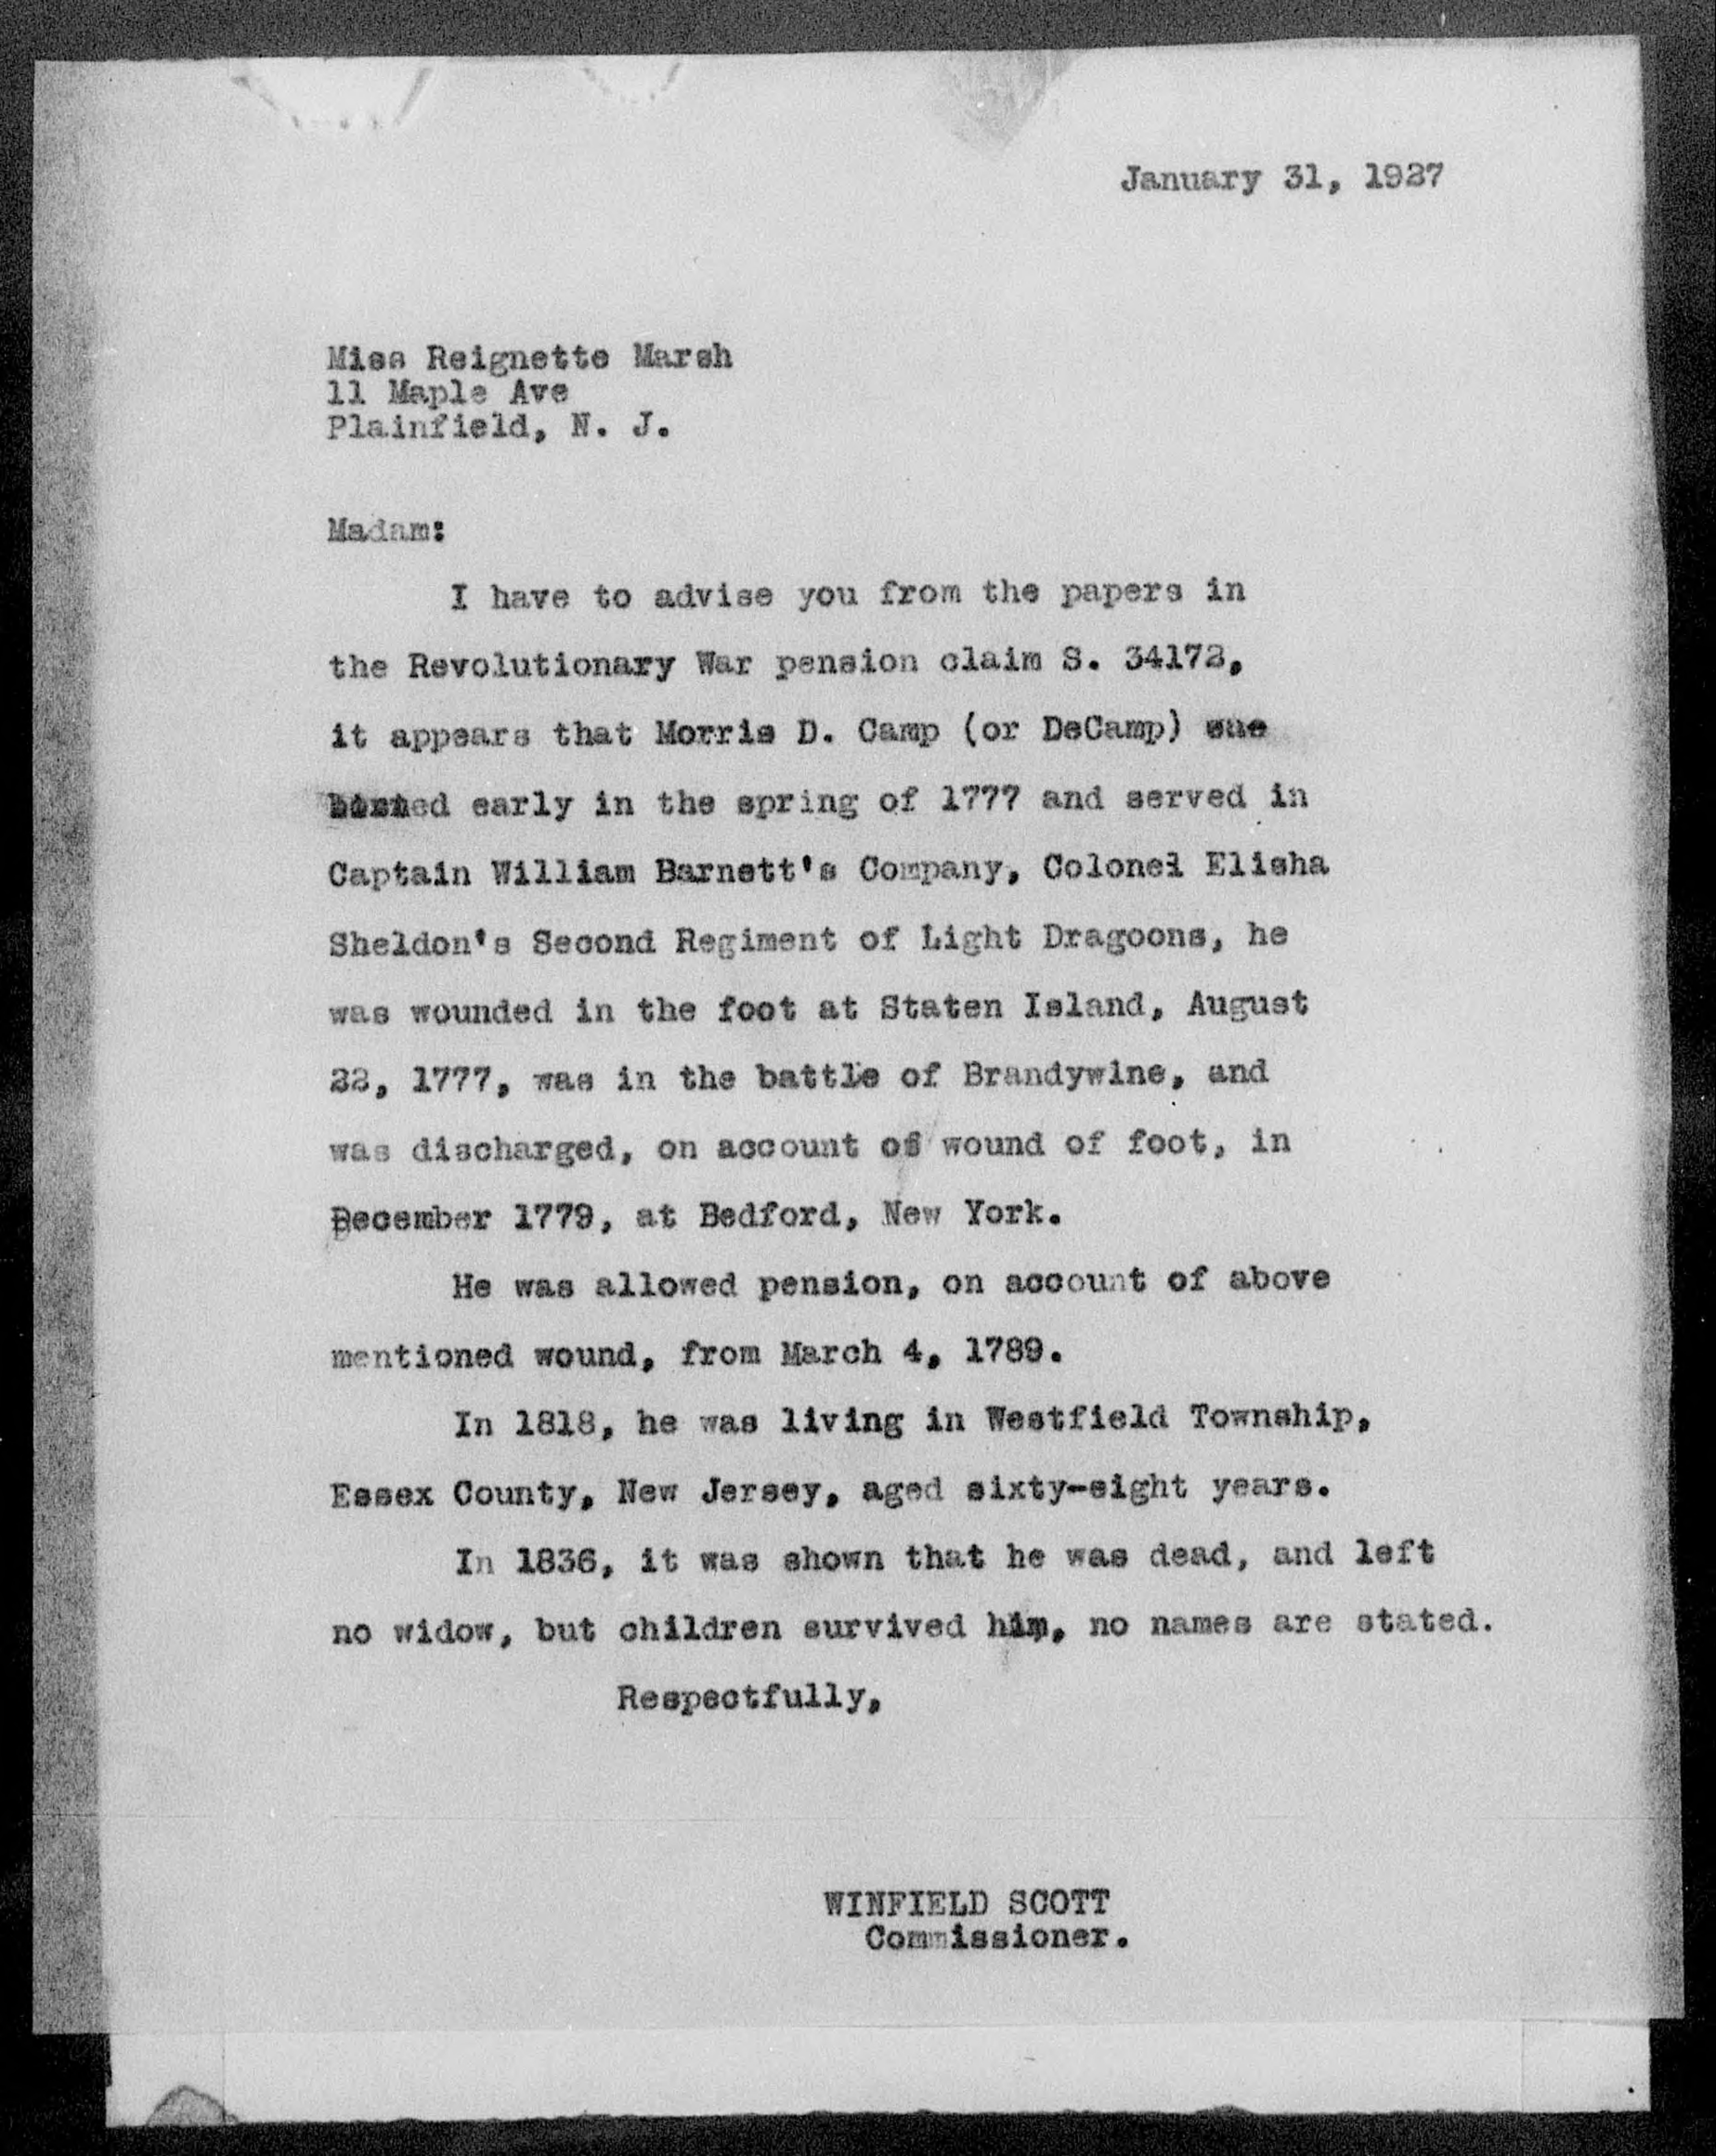January 31, 1927
Miss Reignette Marsh
11 Maple Ave
Plainfield, N.J.
Madam:
I have to advise you from the papers in
the Revolutionary War pension claim S. 34172,
it appears that Morris D. Camp (or Decamp) enlisted early in the spring of 1777 and served in Captain William Barnett's Company, Colonel Elisha Sheldon's Second Regiment of Light Dragoons, he was wounded in the foot at Staten Island, August 22, 1777, was in the battle of Brandywine, and was discharged, on account of wound of foot, in
December 1779, at Bedford, New York.
He was allowed pension, on account of above
mentioned wound, from March 4, 1789.
In 1818, he was living in Westfield Township,
Essex County, New Jersey, aged sixty-eight years. In 1836, it was shown that he was dead, and left no widow, but children survived him, no names are stated.
Respectfully,
WINFIELD SCOTT
Commissioner.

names: Morris D Decamp, Morris D Camp, Winfield Scott, Reignette Marsh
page: 46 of 52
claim: survivor's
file: S. 34172, Morris D Camp, Continental (New Jersey)